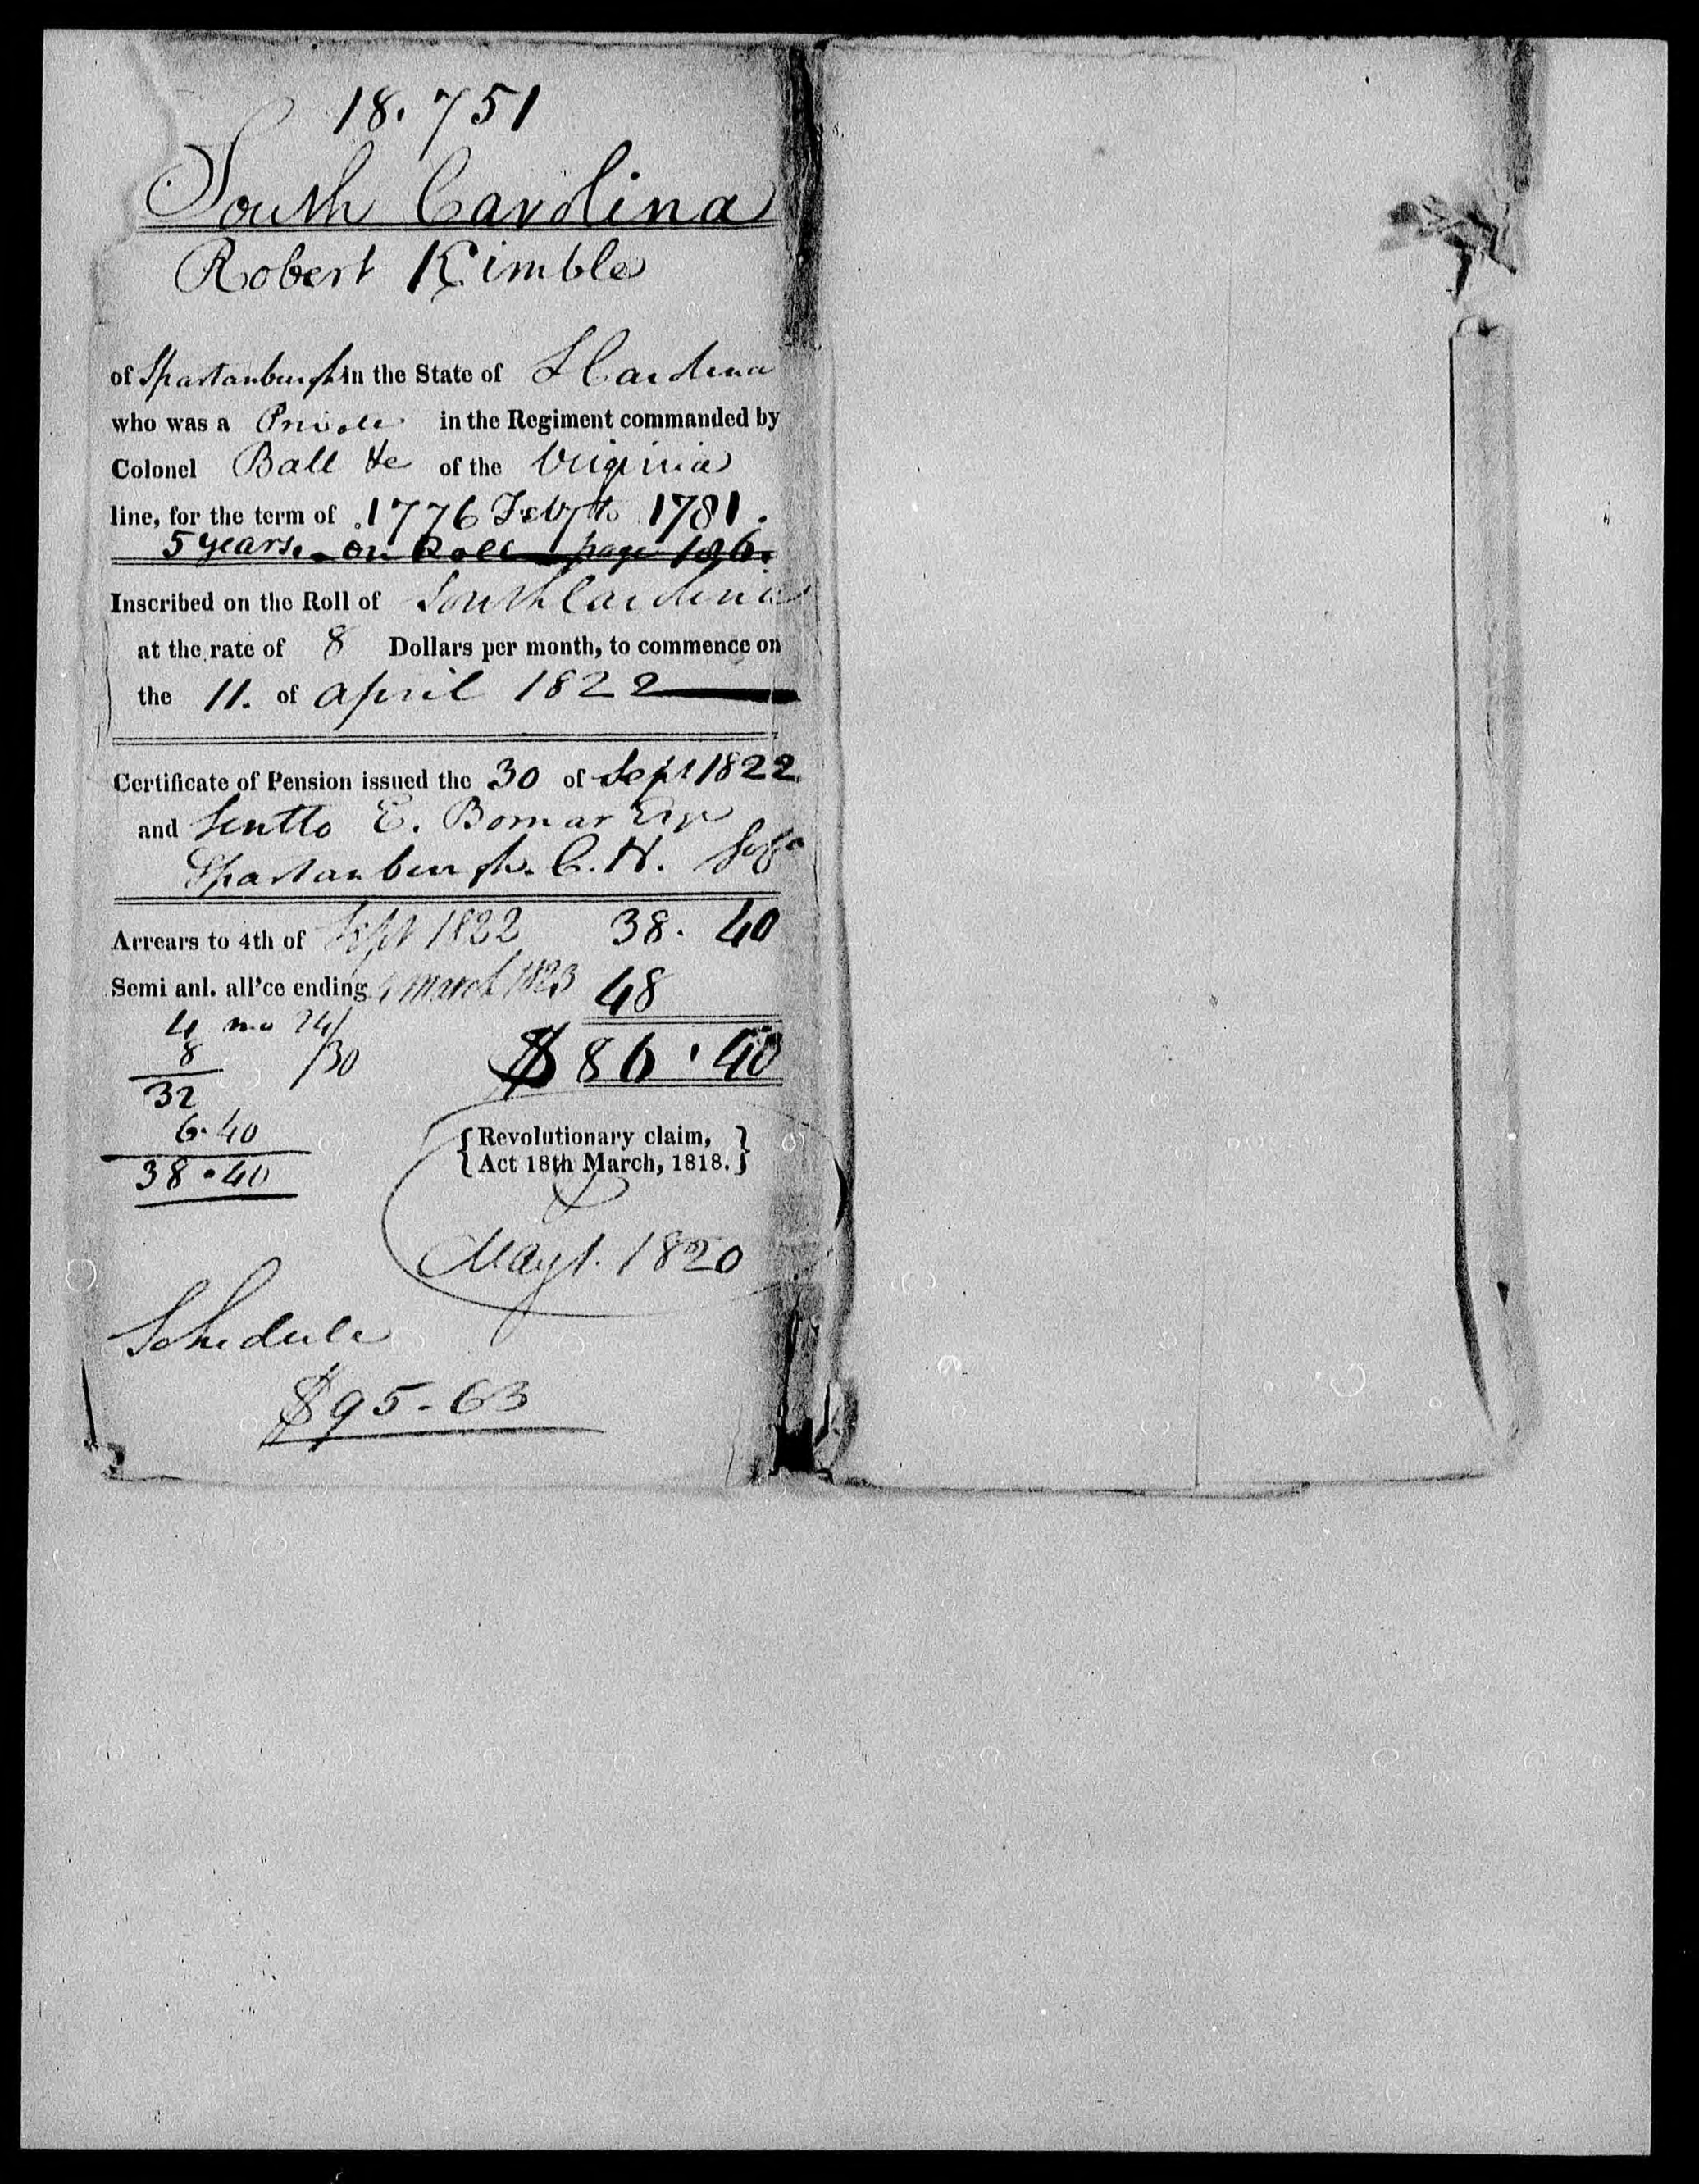18,751
South Carolina
Robert Kimble
of Spartanburgh in the State of S Carolina
who was a Private in the Regiment commanded by Colonel Ball &c of the Virginia
line, for the term of 1776 Feb 7th 1781.
5 years. on Roll pay 186.
Inscribed on the Roll of South Carolina
at the rate of 8 Dollars per month, to commence on the 11. of April 1822

Certificate of Pension issued the 30 of Sept 1822
and Sent to E. Bomar Esq
Spartanburgh. C.H. So Ca

Arrears to 4th of Sept 1822 38.40
Semi anl. all'ce ending 4 March 1823 48
4 mo 14/30 $86.40
{Revolutionary claim,
Act 18th March, 1818.}
&
May 1. 1820
Schedule
$95.63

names: Robert Kimble; E Bomar; [BLANK] Ball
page: 3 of 9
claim: survivor's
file: S. 38896, for Robert Kimble, Virginia